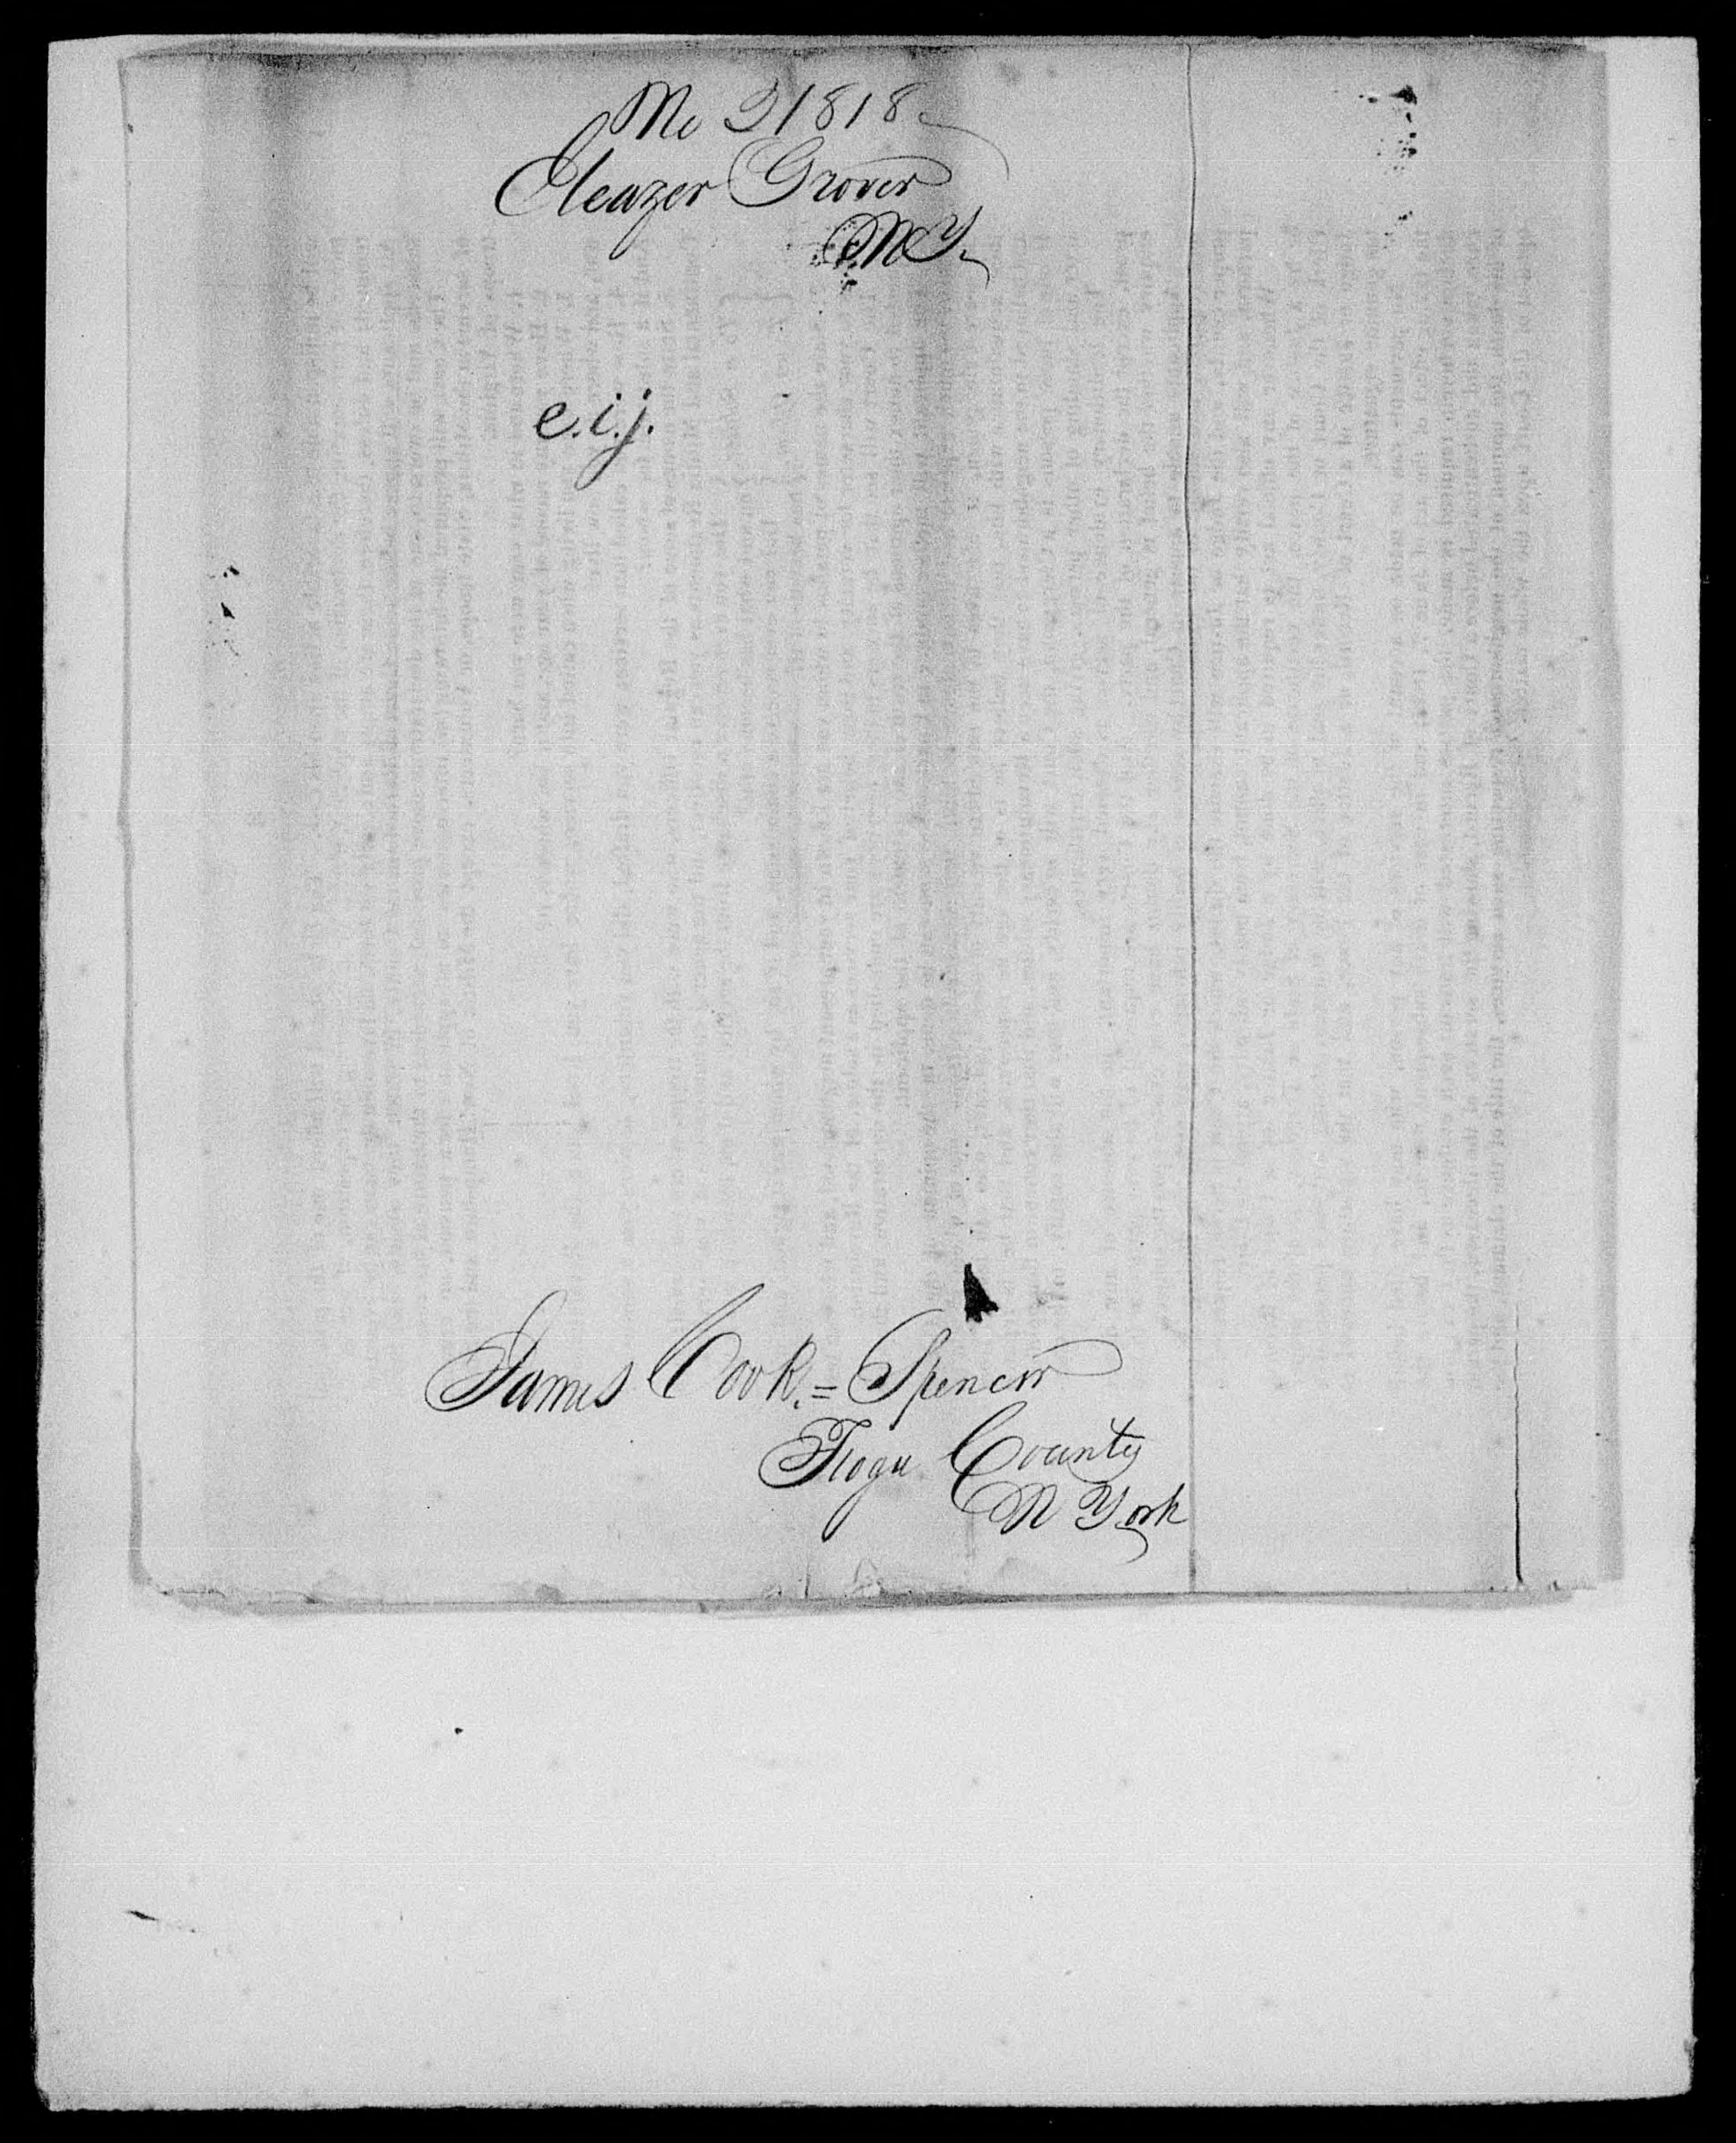No 21818
Eleazer Grover NY
e.i.j.
James Cook=Spencer Tioga County N York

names: James Cook, Eleazer Grover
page: 7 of 43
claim: survivor's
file: S. 28748, Eleazer Grover, Continental Mass. Vt.